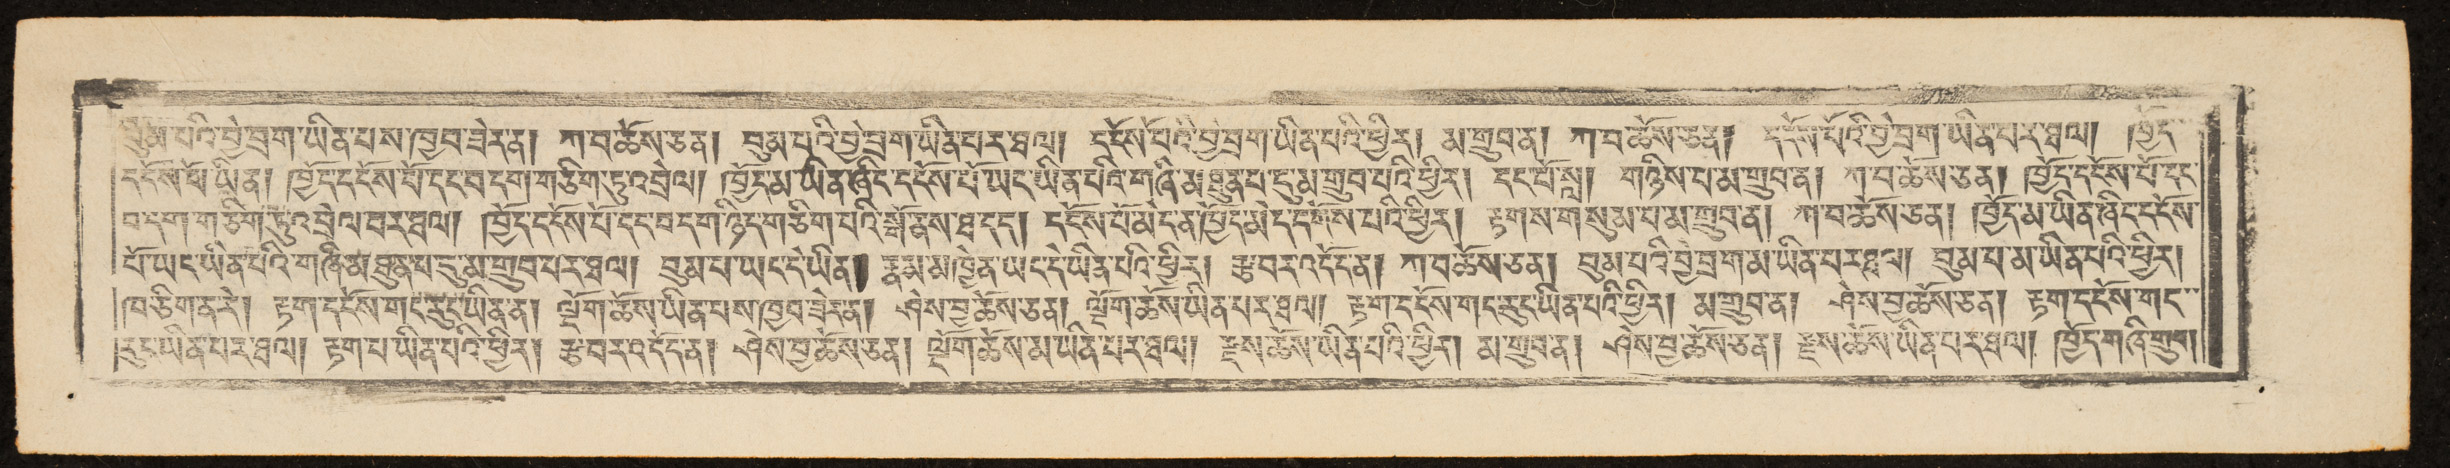བུམ་པའི་བྱེ་བྲག་ཡིན་པས་ཁྱབ་ཟེར་ན། ཀ་བ་ཆོས་ཅན། བུམ་པའི་བྱེ་བྲག་ཡིན་པར་ཐལ། དངོས་པོའི་བྱེ་བྲག་ཡིན་པའི་ཕྱིར། མ་གྲུབ་ན། ཀ་བ་ཆོས་ཅན། དངོས་པོའི་བྱེ་བྲག་ཡིན་པར་ཐལ། ཁྱོད་
དངོས་པོ་ཡིན། ཁྱོད་དངོས་པོ་དང་བདག་གཅིག་ཏུ་འབྲེལ། ཁྱོད་མ་ཡིན་ཞིང་དངོས་པོ་ཡང་ཡིན་པའི་གཞི་མཐུན་པ་དུ་མ་གྲུབ་པའི་ཕྱིར། དང་པོ་སླ། གཉིས་པ་མ་གྲུབ་ན། ཀ་བ་ཆོས་ཅན། ཁྱོད་དངོས་པོ་དང་
བདག་གཅིག་ཏུ་འབྲེལ་བར་ཐལ། ཁྱོད་དངོས་པོ་དང་བདག་ཉིད་གཅིག་པའི་སྒོ་ནས་ཐ་དད། དངོས་པོ་མེད་ན་ཁྱོད་མེད་དགོས་པའི་ཕྱིར། རྟགས་གསུམ་པ་མ་གྲུབ་ན། ཀ་བ་ཆོས་ཅན། ཁྱོད་མ་ཡིན་ཞིང་དངོས་
པོ་ཡང་ཡིན་པའི་གཞི་མཐུན་པ་དུ་མ་གྲུབ་པར་ཐལ། བུམ་པ་ཡང་དེ་ཡིན། རྣམ་མཁྱེན་ཡང་དེ་ཡིན་པའི་ཕྱིར། རྩ་བར་འདོད་ན། ཀ་བ་ཆོས་ཅན། བུམ་པའི་བྱེ་བྲག་མ་ཡིན་པར་ཐལ། བུམ་པ་མ་ཡིན་པའི་ཕྱིར།
ཁ་ཅིག་ན་རེ། རྟག་དངོས་གང་རུང་ཡིན་ན། ལྡོག་ཆོས་ཡིན་པས་ཁྱབ་ཟེར་ན། ཤེས་བྱ་ཆོས་ཅན། ལྡོག་ཆོས་ཡིན་པར་ཐལ། རྟག་དངོས་གང་རུང་ཡིན་པའི་ཕྱིར། མ་གྲུབ་ན། ཤེས་བྱ་ཆོས་ཅན། རྟག་དངོས་གང་
རུང་ཡིན་པར་ཐལ། རྟག་པ་ཡིན་པའི་ཕྱིར། རྩ་བར་འདོད་ན། ཤེས་བྱ་ཆོས་ཅན། ལྡོག་ཆོས་མ་ཡིན་པར་ཐལ། རྫས་ཆོས་ཡིན་པའི་ཕྱིར། མ་གྲུབ་ན། ཤེས་བྱ་ཆོས་ཅན། རྫས་ཆོས་ཡིན་པར་ཐལ། ཁྱོད་གཞི་གྲུབ།